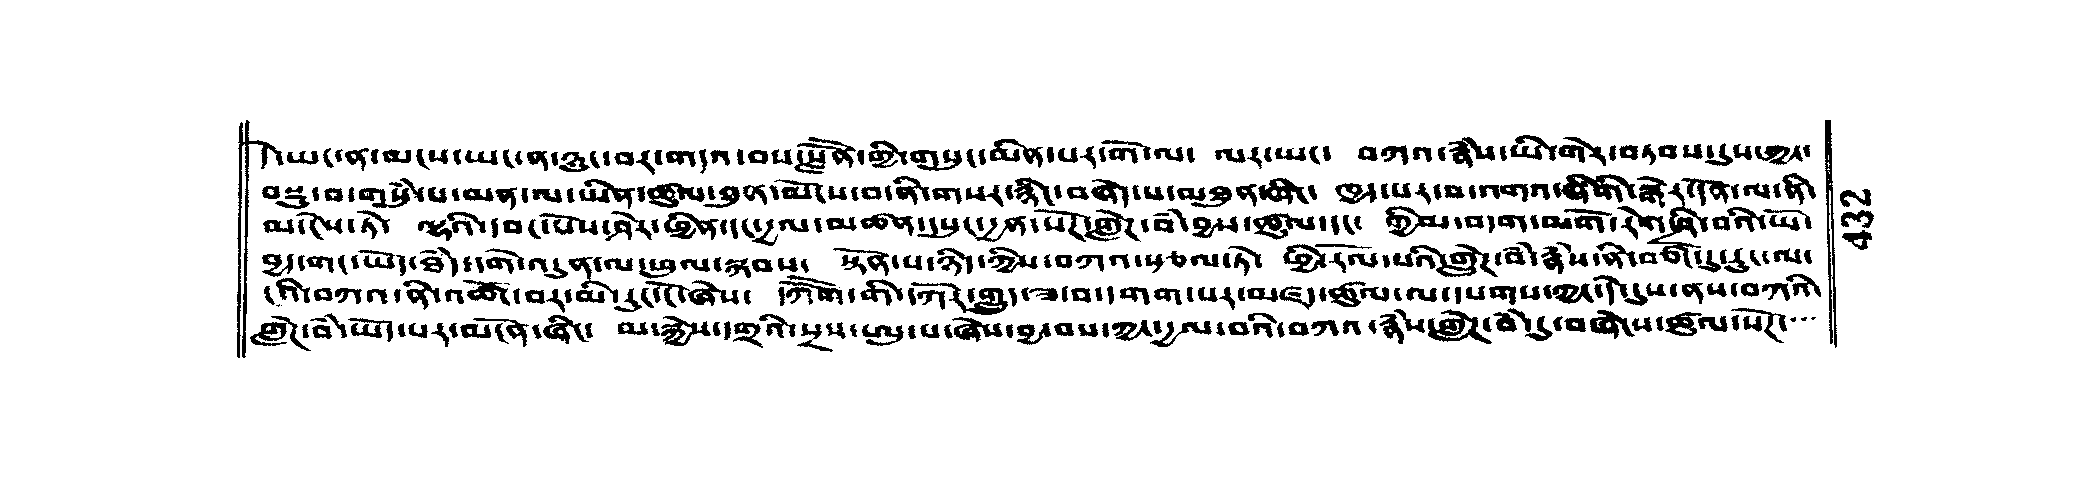དེ་ཡང་ན་མང་ཡང་ན་ཉུང་བར་གདའ་བས་སློབ་དཔོན་གྱི་གསུང་མིན་པར་གོ་ལ། ལར་ཡང་།བཀའ་རྣམས་ཡི་གེར་བཏབས་དུས་ཀྱང་
བསྡུ་བ་གསུམ་པ་མན་ལ་ཡིན་ཚུལ་ཐུན་མོང་བ་ནི་གསར་རྙིང་བཞེད་པ་མཐུན་ཞིང། ཁྱད་པར་བ་འགའ་ཞིག་གི་སྒེར་དོན་ལ་ནི་
མ་ངེས་ཏེ། ལྷའི་དབང་པོས་ཤེར་ཕྱིན་དང་རྒྱལ་མཚན་དཔུང་རྒྱན་སོགས་གླེགས་བམ་བྱས་ཚུལ་དང་། ཁྱིམ་བདག་མགོ་རེག་ཤི་བའི་ཡོ་
བྱད་གང་ཡོད་ཐམས་ཅད་དགེ་འདུན་ལ་ཕུལ་སྐབས། སྟོན་པ་ཉིད་ཀྱིས་བཀའ་བསྩལ་ཏེ། ཕྱི་རོལ་པའི་གླེགས་བམ་རྣམས་ནི་བཙོང་དུ་རུང་ལ་
ངའི་བཀའ་ནི་འཚོང་བར་མི་རུང་ངོ་ཞེས། དཀོན་མཆོག་གི་དཀོར་གླུད་ཟ་བ་དགག་པར་མཛད་ཚུལ་ལ་དཔགས་ཀྱང་དེ་དུས་ནས་བཀའི་
གླེགས་བམ་ཡོད་པར་མངོན་ཞིང་། མ་སྐྱེས་དགྲའི་སྲས་ཨུ་པ་ཞེས་བྱ་བས་ཀྱང་རྒྱལ་བའི་བཀའ་རྣམས་གླེགས་བམ་དུ་བཞེངས་ཚུལ་སོགས་